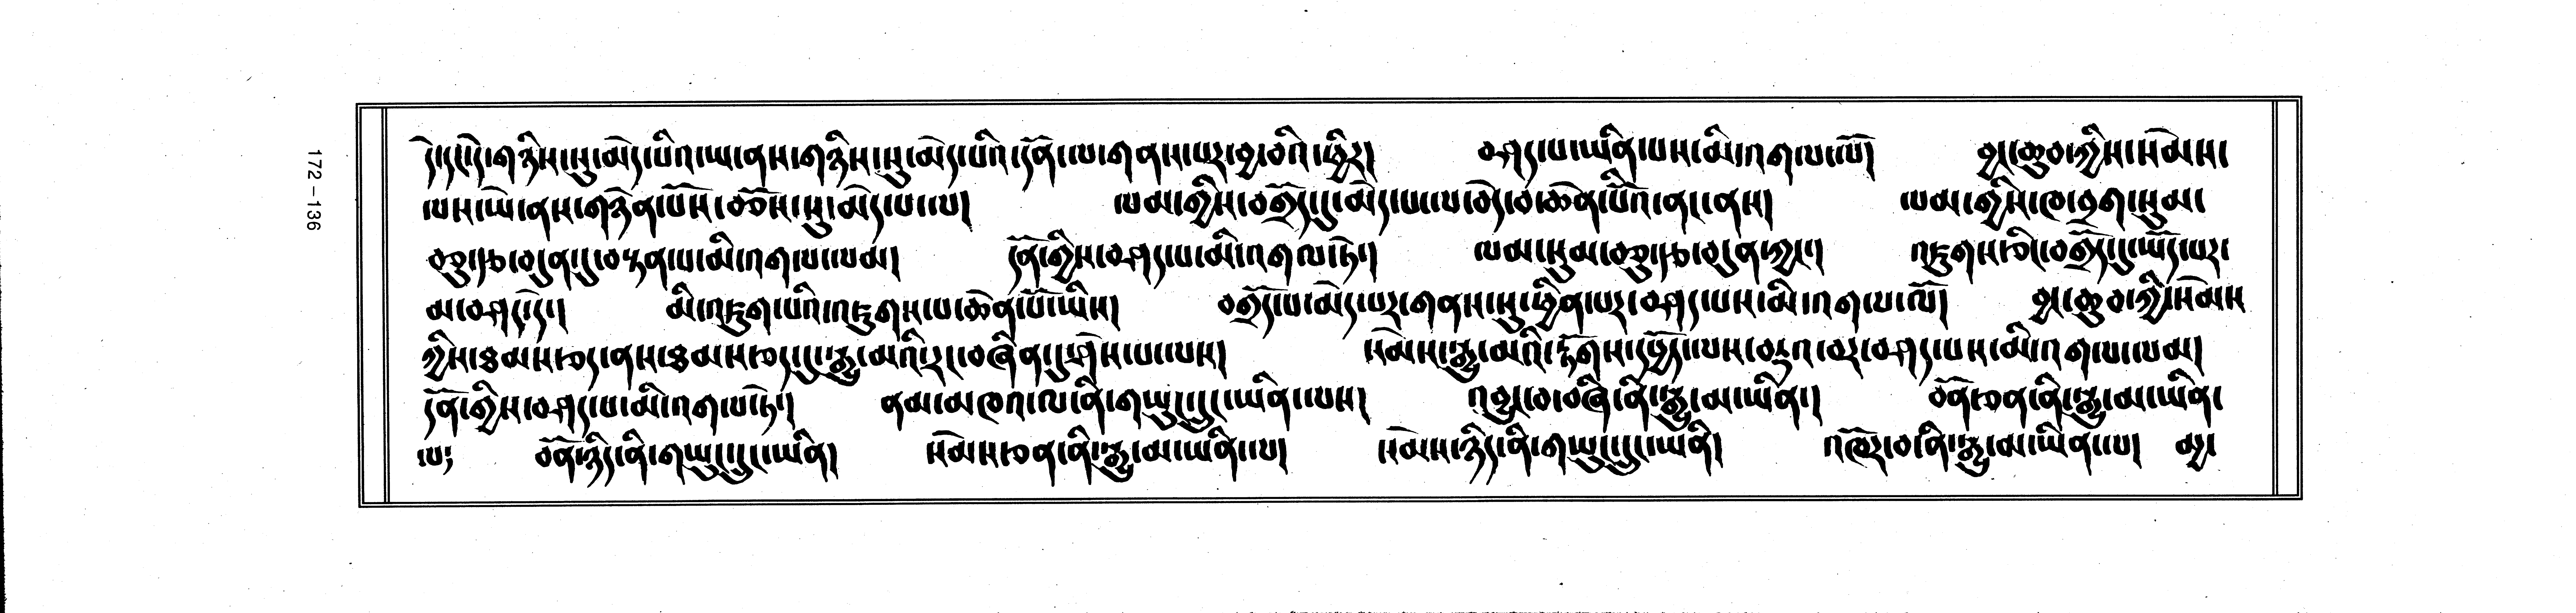དེ་དང་དེ་གཉིས་སུ་མེད་པའི་ཡེ་ནས་གཉིས་སུ་མེད་པའི་དོན་ལ་གནས་པར་བྱ་བའི་ཕྱིར། བཤད་པ་ཡིན་པས་མི་འགལ་ལོ། བྱང་ཆུབ་ཀྱིས་སེམས་
ལས་ཡེ་ནས་གཉེན་པོས་བཅོས་སུ་མེད་པ་ལ། ལམ་གྱིས་བགྲོད་དུ་མེད་པ་ལ་བདེ་བ་ཆེན་པོའི་ནང་ནས། ལམ་གྱིས་ཁ་བྲག་སུམ་
བཅུ་རྩ་བདུན་དུ་བསྟན་པ་མི་འགལ་ལམ། དོན་གྱིས་བཤད་པ་མི་འགལ་ཏེ། ལམ་སུམ་བཅུ་རྩ་བདུན་ཀྱང་། འཇུགས་ཅིང་བགྲོད་དུ་ཡོད་པར་
མ་བཤད་དེ། མི་འཇུག་པའི་འཇུགས་པ་ཆེན་པོ་ཡིས། བགྲོད་པ་མེད་པར་གནས་སུ་ཕྱིན་པར་བཤད་པས་མི་འགལ་ལོ། བྱང་ཆུབ་ཀྱི་སེམས་
ཀྱིས་ཐམས་ཅད་ནས་ཐམས་ཅད་དུ་སྒྱུ་མའི་རང་བཞིན་དུ་ཤེས་པ་ལས། སེམས་སྒྱུ་མའི་རྟོགས་དཔྱོད་ལས་བརྡའ་བར་བཤད་པས་མི་འགལ་ལམ། 
དོན་གྱིས་བཤད་པ་མི་འགལ་ཏེ། ནམ་མཁའ་ལ་ནི་གཡུང་དྲུང་ཡིན་ལས། འབྱུང་བ་བཞི་ནི་སྒྱུ་མ་ཡིན། བོན་ཅན་ནི་སྒྱུ་མ་ཡིན་
ལ། བོན་ཉིད་ནི་གཡུང་དྲུང་ཡིན། སེམས་ཅན་ནི་སྒྱུ་མ་ཡིན་ལ། སེམས་ཉིད་ནི་གཡུང་དྲུང་ཡིན། འཁོར་བ་ནི་སྒྱུ་མ་ཡིན་ལ། མྱ་